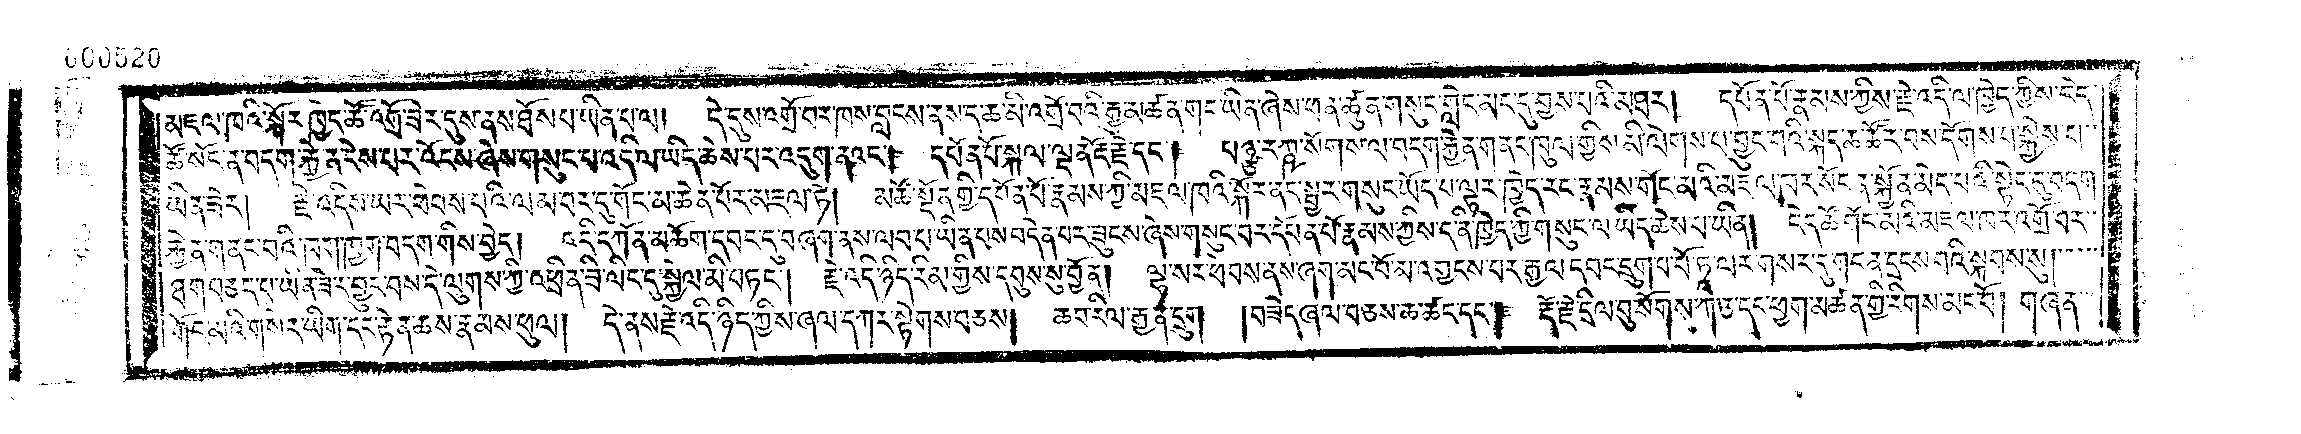མཇལ་ཁའི་སྐོར་ཁྱེད་ཚོ་འགྲོ་ཟེར་དུས་ནས་ཐོས་པ་ཡིན་པ་ལ། དེ་དུས་འགྲོ་བར་ཁས་བླངས་ནས་ད་ཆ་མི་འགྲོ་བའི་རྒྱུ་མཚན་གང་ཡིན་ཞེས་ཕན་ཚུན་གསུང་གླེང་མང་དུ་བྱས་པའི་མཐར། དཔོན་པོ་རྣམས་ཀྱིས་རྗེ་འདི་ལ་ཁྱེད་ཀྱིས་ངེད་
ཚོ་སོང་ན་བདག་རྐྱེན་ངེས་པར་འོངས་ཞེས་གསུང་པ་འདི་ལ་ཡིད་ཆེས་པར་འདུག་ནའང་། དཔོན་པོ་སྐལ་ལྡན་རྡོ་རྗེ་དང་། པཉྩ་རཀྵ་སོགས་ལ་བདག་རྐྱེན་གནང་ཁུལ་གྱིས་མི་ལེགས་པ་བྱུང་བའི་སྐད་ཆ་ཚོར་བས་དོགས་པ་སྐྱེས་པ་
ཡིན་ཟེར། རྗེ་འདིས་ཡར་ཕེབས་པའི་ལམ་པར་དུ་གོང་མ་ཆེན་པོར་མཇལ་ཏེ། མཚོ་སྔོན་གྱི་དཔོན་པོ་རྣམས་ཀྱི་མཇལ་ཁའི་སྐོར་ནང་སྦྱར་གསུང་ཡོད་པ་ལྟར་ཁྱེད་རང་རྣམས་གོང་མའི་མཇལ་ཁར་སོང་ན་སྐྱོན་མེད་པའི་སྟེང་དུ་བདག་
རྐྱེན་གནང་བའི་ཁག་ཁྱག་བདག་གིས་བྱེད། འདི་དཀོན་མཆོག་དཔང་དུ་བཞག་ནས་ལབ་པ་ཡིན་པས་བདེན་པར་ཟུངས་ཞེས་གསུང་བར་དཔོན་པོ་རྣམས་ཀྱིས་ད་ནི་ཁྱེད་ཀྱི་གསུང་ལ་ཡིད་ཆེས་པ་ཡིན། ངེད་ཚོ་གོང་མའི་མཇལ་ཁར་འགྲོ་བར་
ཐག་བཅད་པ་ཡིན་ཟེར་བྱུང་བས་དེ་ལུགས་ཀྱི་འཕྲིན་ཟི་ལིང་དུ་སྐྱེལ་མི་བཏང་། རྗེ་འདི་ཉིད་རིམ་གྱིས་དབུས་སུ་བྱོན། ལྷ་སར་ཕེབས་ནས་ཞག་མང་པོ་མ་འགྱངས་པར་རྒྱལ་དབང་དྲུག་པ་བོ་ཏཱ་ལར་གསར་དུ་གདན་དྲངས་པའི་སྐབས་སུ།
གོང་མའི་གསེར་ཡིག་དང་རྟེན་ཆས་རྣམས་ཕུལ། དེ་ནས་རྗེ་འདི་ཉིད་ཀྱིས་ཞལ་དཀར་སྟེགས་བཅས། ཆབ་རིལ་རྒྱན་དྲུག །བཟེད་ཞལ་བཅས་ཆ་ཚང་དང་། རྡོ་རྗེ་དྲིལ་བུ་སོགས་ཀ་ཅ་དང་ཕྱག་མཚན་གྱི་རིགས་མང་པོ། གཞན་